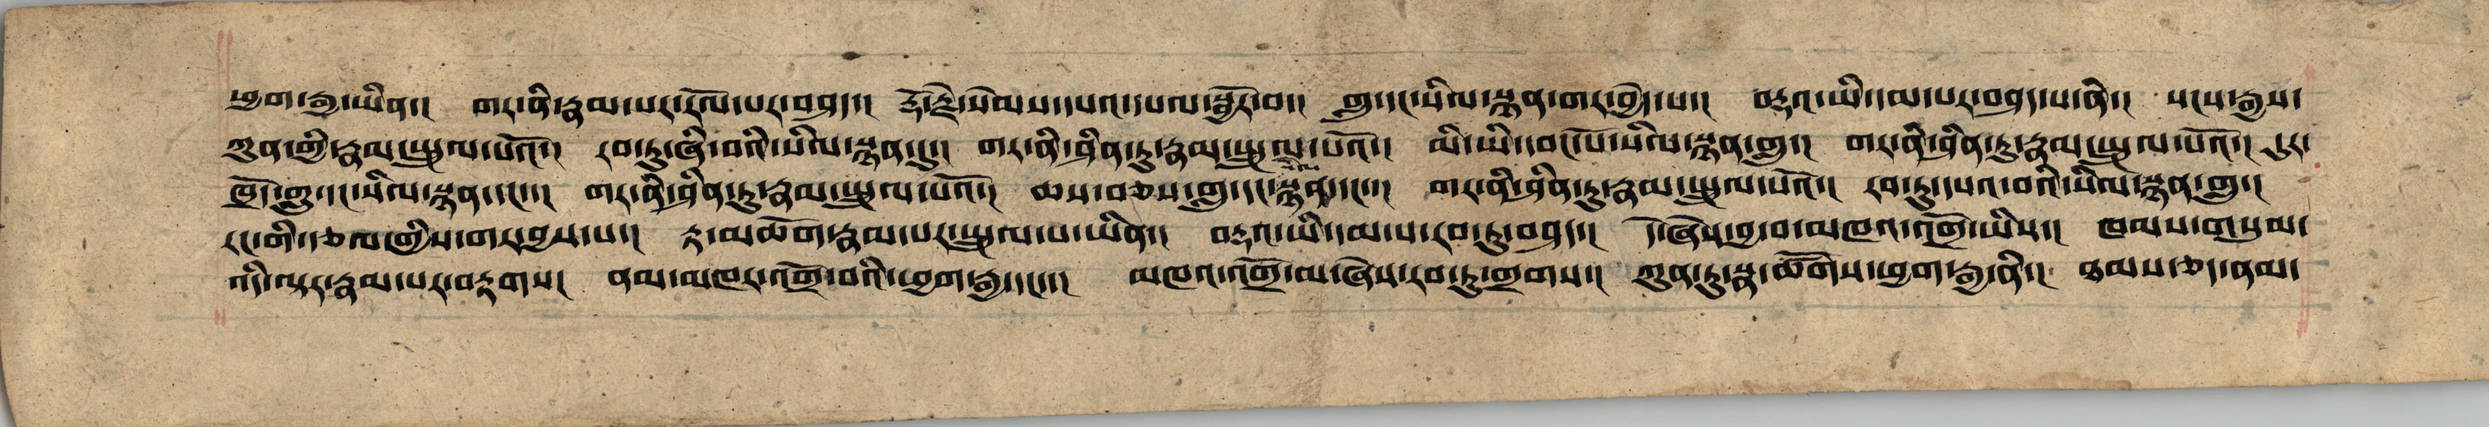ཕྱག་རྒྱ་ཡིན་། གར་ནི་རྣམ་པར་རོལ་པར་བཤད་། རྡོ་རྗེ་སེམས་དཔའ་དཔལ་སྦྱོར་བ་། གླུ་དང་སིལ་སྙན་གར་བྱེད་པ་། བརྡའ་ཡི་དམ་པར་བཤད་པ་ནི་། སངས་རྒྱས་
ཀུནགྱི་རྣམ་སྤྲུལ་པའོ་། རབ་ཏུ་ཞི་བའི་སིལ་སྙན་དུ་། གར་ནི་ཤིན་ཏུ་རྣམ་སྤྲུལ་པའོ་། མི་ཡི་དབང་པོ་སིལ་སྙན་གླུ་། གར་ནི་ཤིན་ཏུ་རྣམ་སྤྲུལ་པའོ་། དུར་
ཁྲོད་གླུ་དང་སིལ་སྙན་དང་་། གར་ནི་ཤིན་ཏུ་རྣམསྤྲུལ་པའོ་། ཆས་བཅས་གླུ་དང་སྙན་དང་་། གར་ནི་ཤིན་ཏུ་རྣམ་སྤྲུལ་པའོ་། རབ་ཏུ་དཔའ་བའི་སིལ་སྙན་གླུ་།
རང་གི་རྩལ་གྱིས་གར་བྱས་པ་། རྟ་མཆོག་རྣམ་པར་སྤྲུལ་པ་ཡིན་། བརྡའ་ཡི་དམ་པ་རབ་ཏུ་བཤད་། དེ་བཞིན་བྱ་བ་མཁའ་འགྲོ་ཡིས་། ཁམས་གསུམ་
འདི་ལྟར་རྣམ་པར་བརྟགས། ནམ་མཁར་འགྲོ་བའི་ཕྱག་རྒྱ་དང་་། མཁའ་འགྲོ་མ་ཞེས་རབ་ཏུ་གྲགས་། ཀུན་ཏུ་སྣ་ཚོགས་ཕྱག་རྒྱ་ནི་། ཐམས་ཅད་ནམ